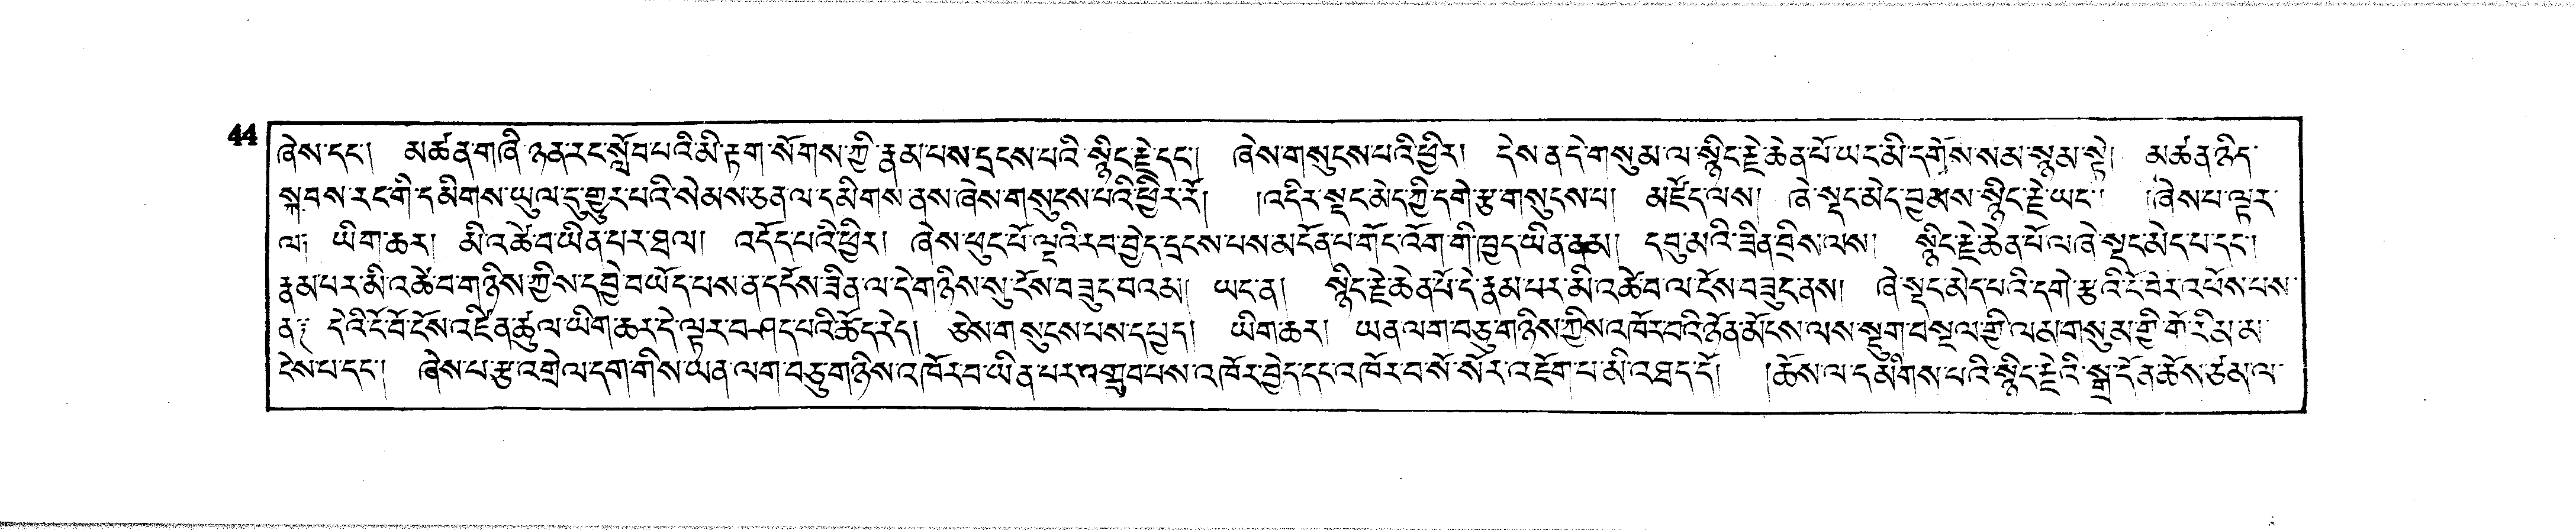ཞེས་དང་། མཚན་གཞི་ཉན་རང་སློབ་པའི་མི་རྟག་སོགས་ཀྱི་རྣམ་པས་དྲངས་པའི་སྙིང་རྗེ་དང་། ཞེས་གསུངས་པའི་ཕྱིར། དེས་ན་དེ་གསུམ་ལ་སྙིང་རྗེ་ཆེན་པོ་ཡང་མི་དགོས་སམ་སྙམ་སྟེ། མཚན་ཉིད་
སྐབས་རང་གི་དམིགས་ཡུལ་དུ་གྱུར་པའི་སེམས་ཅན་ལ་དམིགས་ནས་ཞེས་གསུངས་པའི་ཕྱིར་རོ། །འདིར་སྡང་མེད་ཀྱི་དགེ་རྩ་གསུངས་པ། མཛོད་ལས། ཞེ་སྡང་མེད་བྱམས་སྙིང་རྗེ་ཡང་། །ཞེས་པ་ལྟར་
ལ། ཡིག་ཆར། མི་འཚེ་བ་ཡིན་པར་ཐལ། འདོད་པའི་ཕྱིར། ཞེས་ཕུང་པོ་ལྔའི་རབ་བྱེད་དྲངས་པས་མངོན་པ་གོང་འོག་གི་ཁྱད་ཡིན་ནམ། དབུ་མའི་ཟིན་བྲིས་ལས། སྙིང་རྗེ་ཆེན་པོ་ལ་ཞེ་སྡང་མེད་པ་དང་།
རྣམ་པར་མི་འཚེ་བ་གཉིས་ཀྱི་དབྱེ་བ་ཡོད་པས་ན་དངོས་ཟིན་ལ་དེ་གཉིས་སུ་ངོས་བཟུང་བའམ། ཡང་ན། སྙིང་རྗེ་ཆེན་པོ་དེ་རྣམ་པར་མི་འཚེ་བ་ལ་ངོས་བཟུང་ནས། ཞེས་སྡང་མེད་པའི་དགེ་རྩའི་ངེ་བེར་འཕོས་པས་
ན། དེའི་ངོ་བོ་ངོས་འཛིན་ཚུལ་ཡིག་ཆར་དེ་ལྟར་བཤད་པའི་ཚོད་རེད། ཅེས་གསུངས་པས་དཔྱད། ཡིག་ཆར། ཡན་ལག་བཅུ་གཉིས་ཀྱིས་འཁོར་བའི་ཉོན་མོངས་ལས་སྡུག་བསྔལ་གྱི་ལམ་གསུམ་གྱི་གོ་རིམ་མ་
ངེས་པ་དང་། ཞེས་པ་རྩ་འགྲེལ་དག་གིས་ཡན་ལག་བཅུ་གཉིས་འཁོར་བ་ཡིན་པར་འགྲུབ་པས་འཁོར་བྱེད་དང་འཁོར་བ་སོ་སོར་འཇོག་པ་མི་འཐད་དོ། །ཆོས་ལ་དམིགས་པའི་སྙིང་རྗེའི་སྒྲ་དོན་ཆོས་ཙམ་ལ་